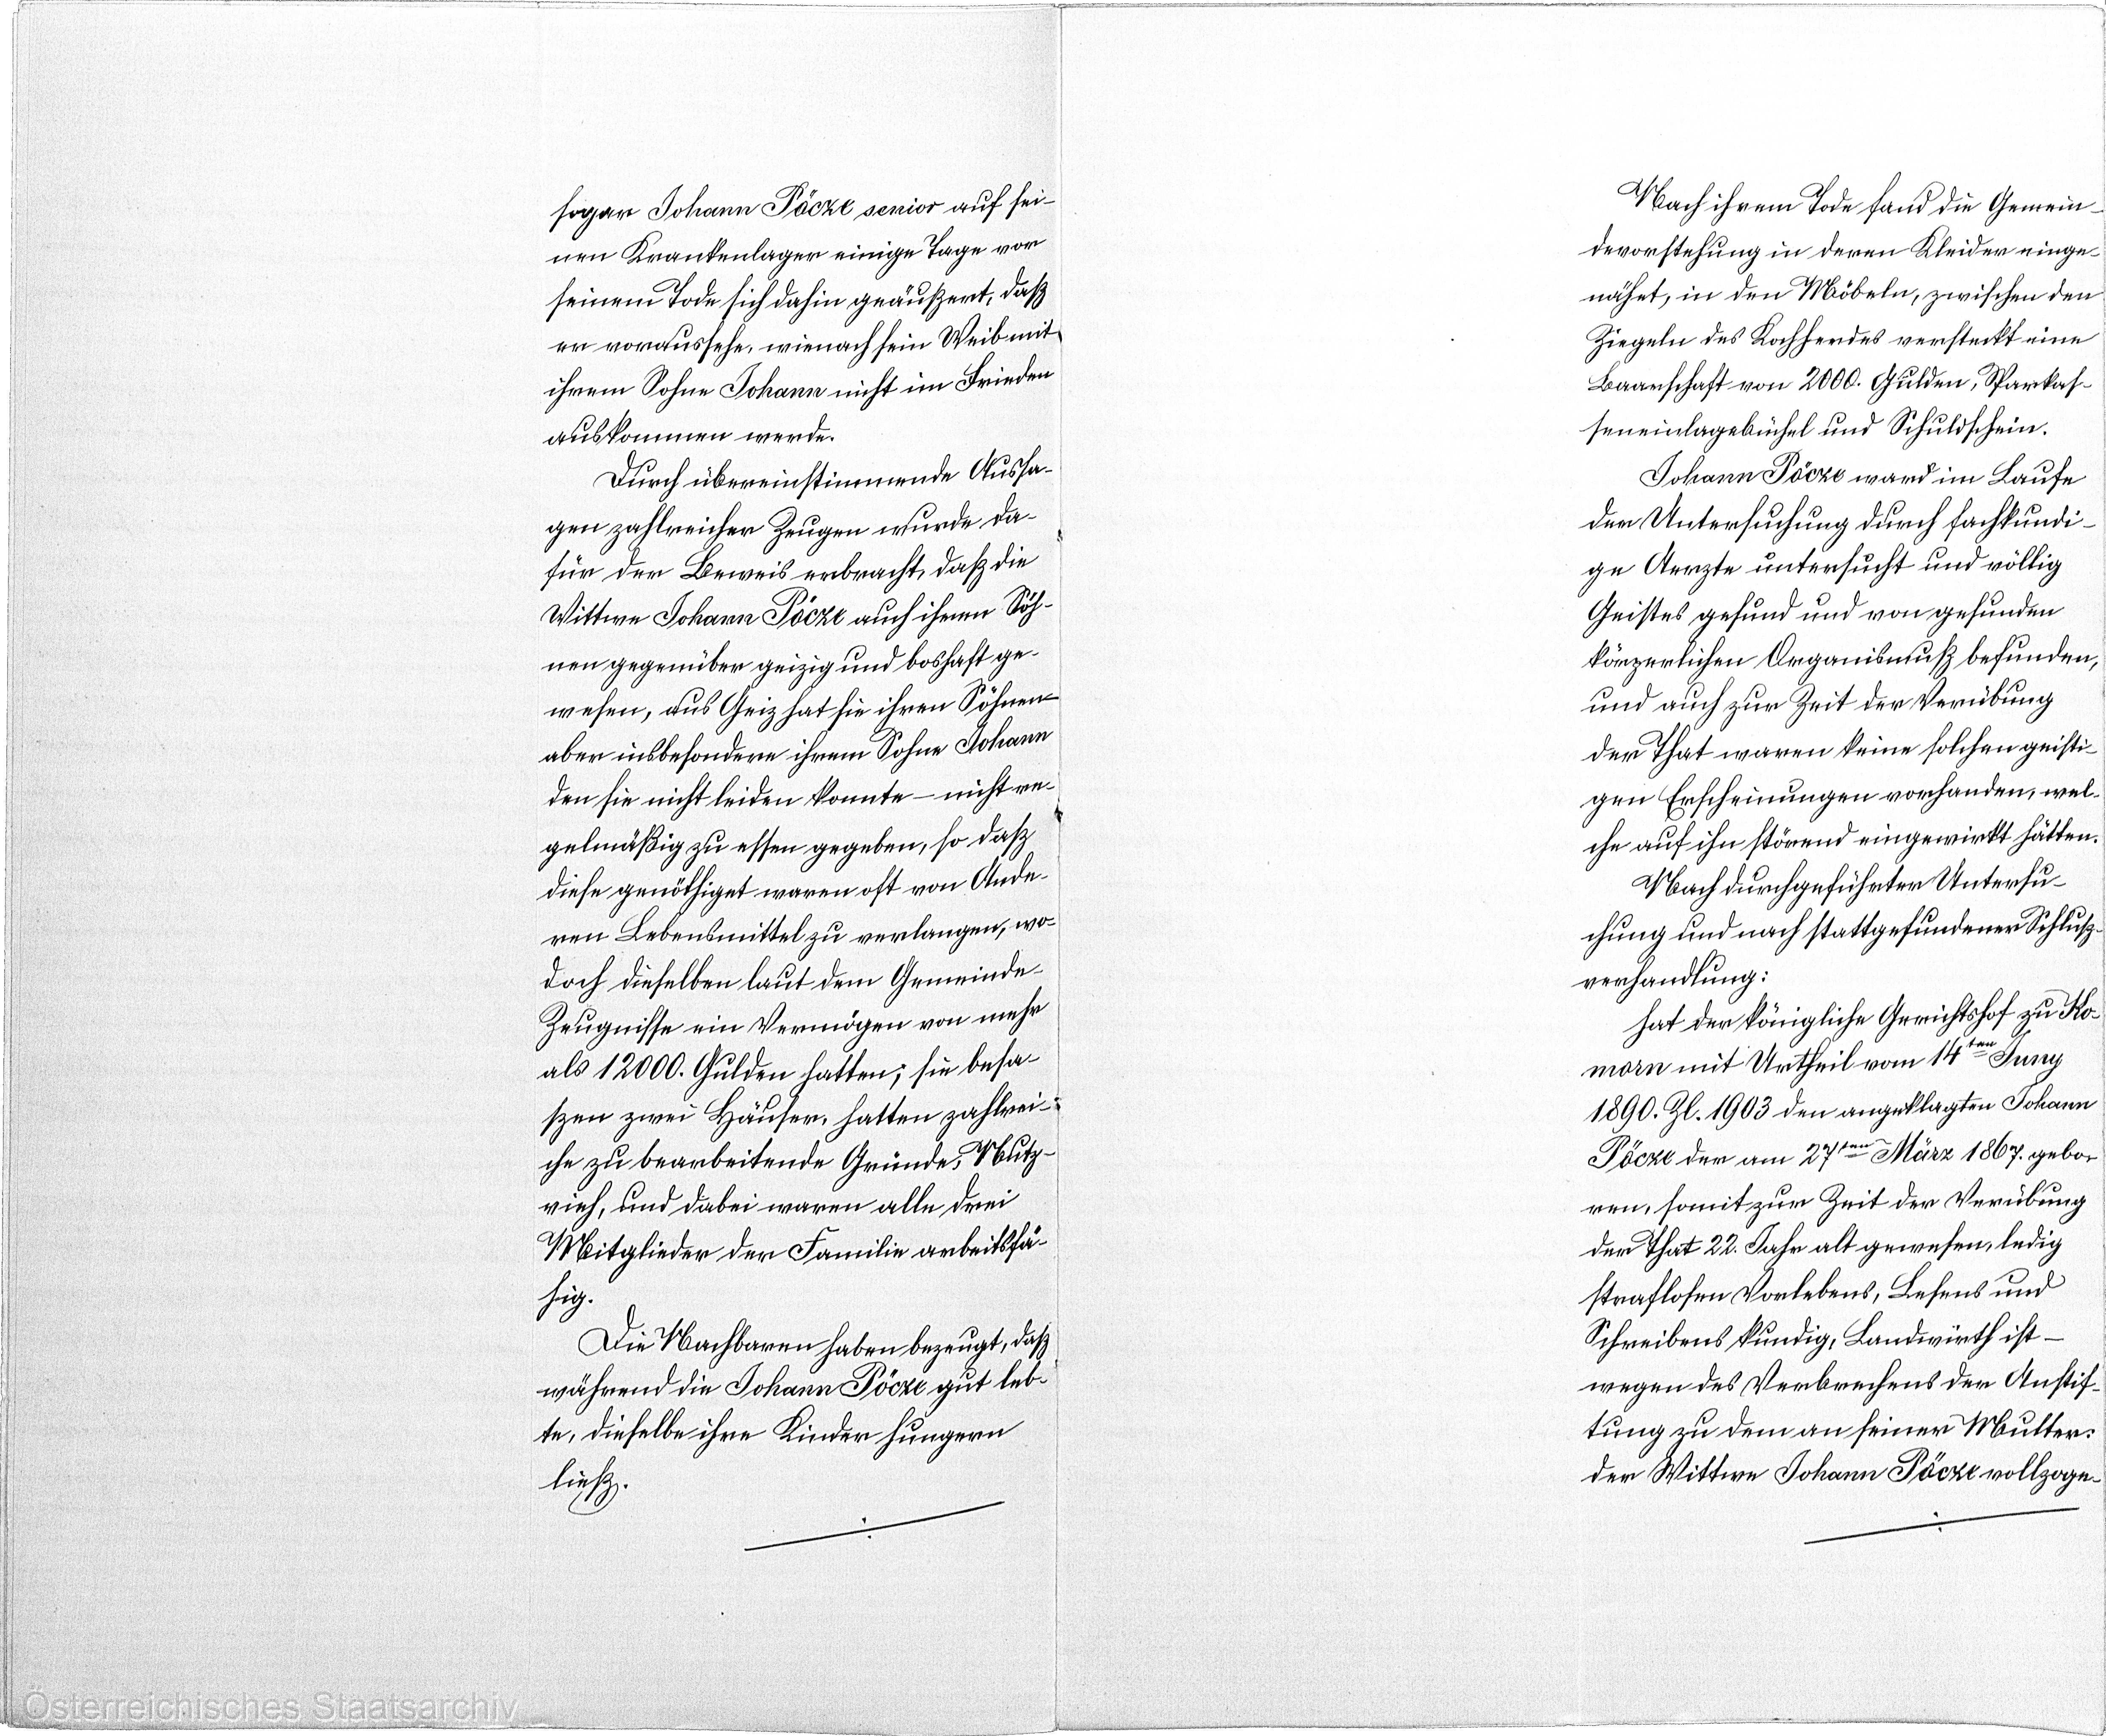sogar Johann Pöcze senior auf sei¬
nen Krankenlager einige Tage vor
seinem Tode sich dahin geäußert, daß
er voraussehe, wienach sein Weib mit
ihrem Sohne Johann nicht im Frieden
auskommen werde.
Durch übereinstimmende Aussa¬
gen zahlreicher Zeugen wurde da¬
für der Beweis erbracht, daß die
Wittwe Johann Pöcze auch ihren Söh¬
nen gegenüber geizig und boshaft ge¬
wesen, aus Geiz hat sie ihren Söhnen
aber insbesondere ihrem Sohne Johann
den sie nicht leiden konnte – nicht re¬
gelmäßig zu essen gegeben, so daß
diese genöthiget waren oft von Ande¬
ren Lebensmittel zu verlangen, wo¬
doch dieselben laut dem Gemeinde¬
Zeugnisse ein Vermögen von mehr
als 12000 Gulden hatten, sie besa¬
ßen zwei Häuser, hatten zahlrei¬
che zu bearbeitende Gründe, Nutz¬
vieh, und dabei waren alle drei
Mitglieder der Familie arbeitsfä¬
hig.
Die Nachbaren haben bezeugt, daß
während die Johann Pöcze gut leb¬
te, dieselbe ihre Kinder hungern
ließ.
Nach ihrem Tode fand die Gemein¬
devorstehung in deren Kleider einge¬
nähet, in den Möbeln, zwischen den
Ziegeln des Kochherdes versteckt eine
Baarschaft von 2000 Gulden, Sparkas¬
seneinlagebüchel und Schuldschein.
Johann Pöcze ward im Laufe
der Untersuchung durch fachkundi¬
ge Aerzte untersucht und völlig
Geistes gesund und von gesunden
körperlichen Organismus befunden,
und auch zur Zeit der Verübung
der That waren keine solchen geisti¬
gen Erscheinungen vorhanden, wel¬
che auf ihn störend eingewirkt hätten.
Nach durchgeführter Untersu¬
chung und nach stattgefundener Schluß¬
verhandlung:
Hat der königliche Gerichtshof zu Ko¬
morn mit Urtheil vom 14ten Juny
1890. Zl. 1903 den angeklagten Johann
Pöcze der am 27ten März 1867 gebo¬
ren, somit zur Zeit der Verübung
der That 22. Jahr alt gewesen, ledig
straflosen Vorlebens, Lesens und
Schreibens kundig, landwirth ist –
wegen des Verbrechens der Anstif¬
tung zu dem an seiner Mutter
der Wittwe Johann Pöcze vollzoge¬